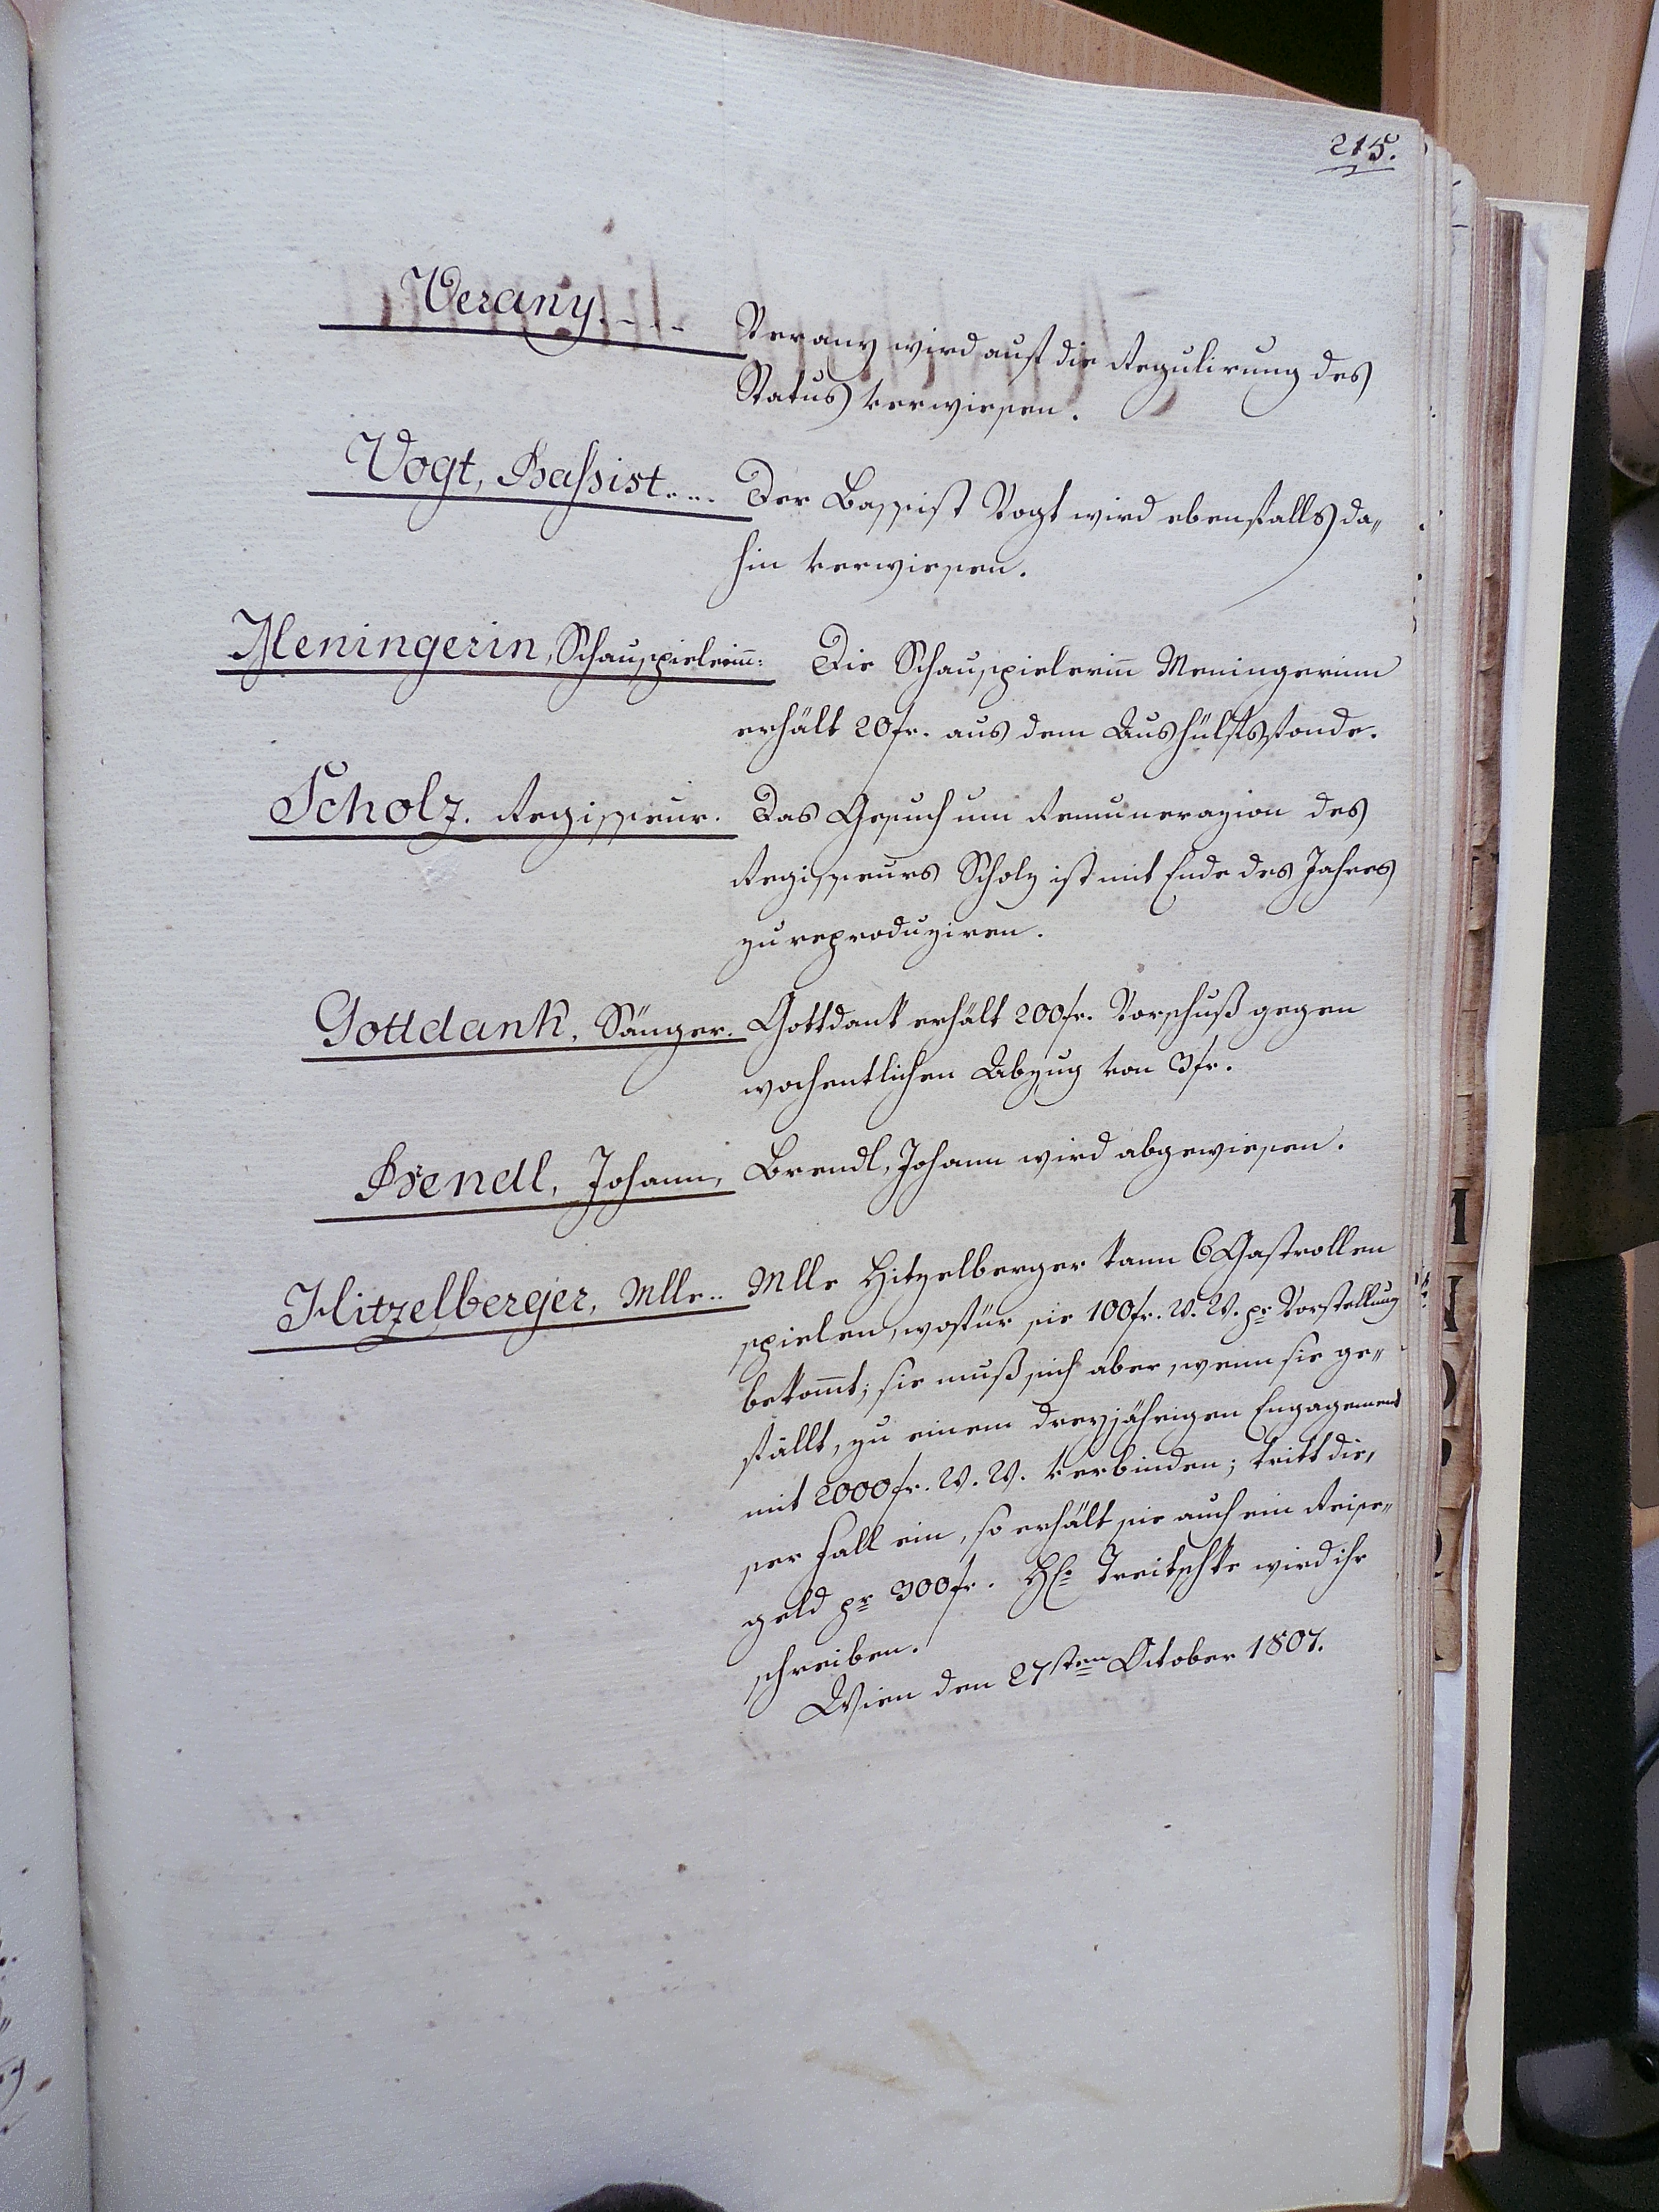215.
Verany. .. .. Verany, wird auf die Regulirung deb
Status verwiesen.
Vogt, Bassist .. .. . Der Bassist Vogt wird ebenfalls da¬
hin verwiesen.
Meningerin, Schauspielerin̅: Die Schauspielerin̅ Meningerinn
erhält 20fr. aus dem Aushülfsfonde.
Scholz. Regisseur. Das Gesuch um Remunerazion des
Regisseurs Scholz ist mit Ende des Jahres
zu reproduziren.
Gottdank, Sänger. Gottdank erhält 200fr. Vorschuß gegen
wochentlichen Abzug von 8fr.
Brendl, Johann, Brendl, Johann wird abgewiesen.
Hitzelberger, Mlle.. Mlle Hitzelberger kann 6 Gastrollen
spielen, wofür sie 100fr. W.W. pr͇ Vorstellung
bekom̅t; sie muß sich aber, wenn sie ge¬
fällt, zu einem dreyjährigen Engagement
mit 2000fr. W.W. verbinden; tritt die¬
ser Fall ein, so erhält sie auch ein Reise¬
geld pr͇ 300fr. HEr͇ Treitschke wird ihr
schreiben.
Wien den 27ste͇n October 1807.